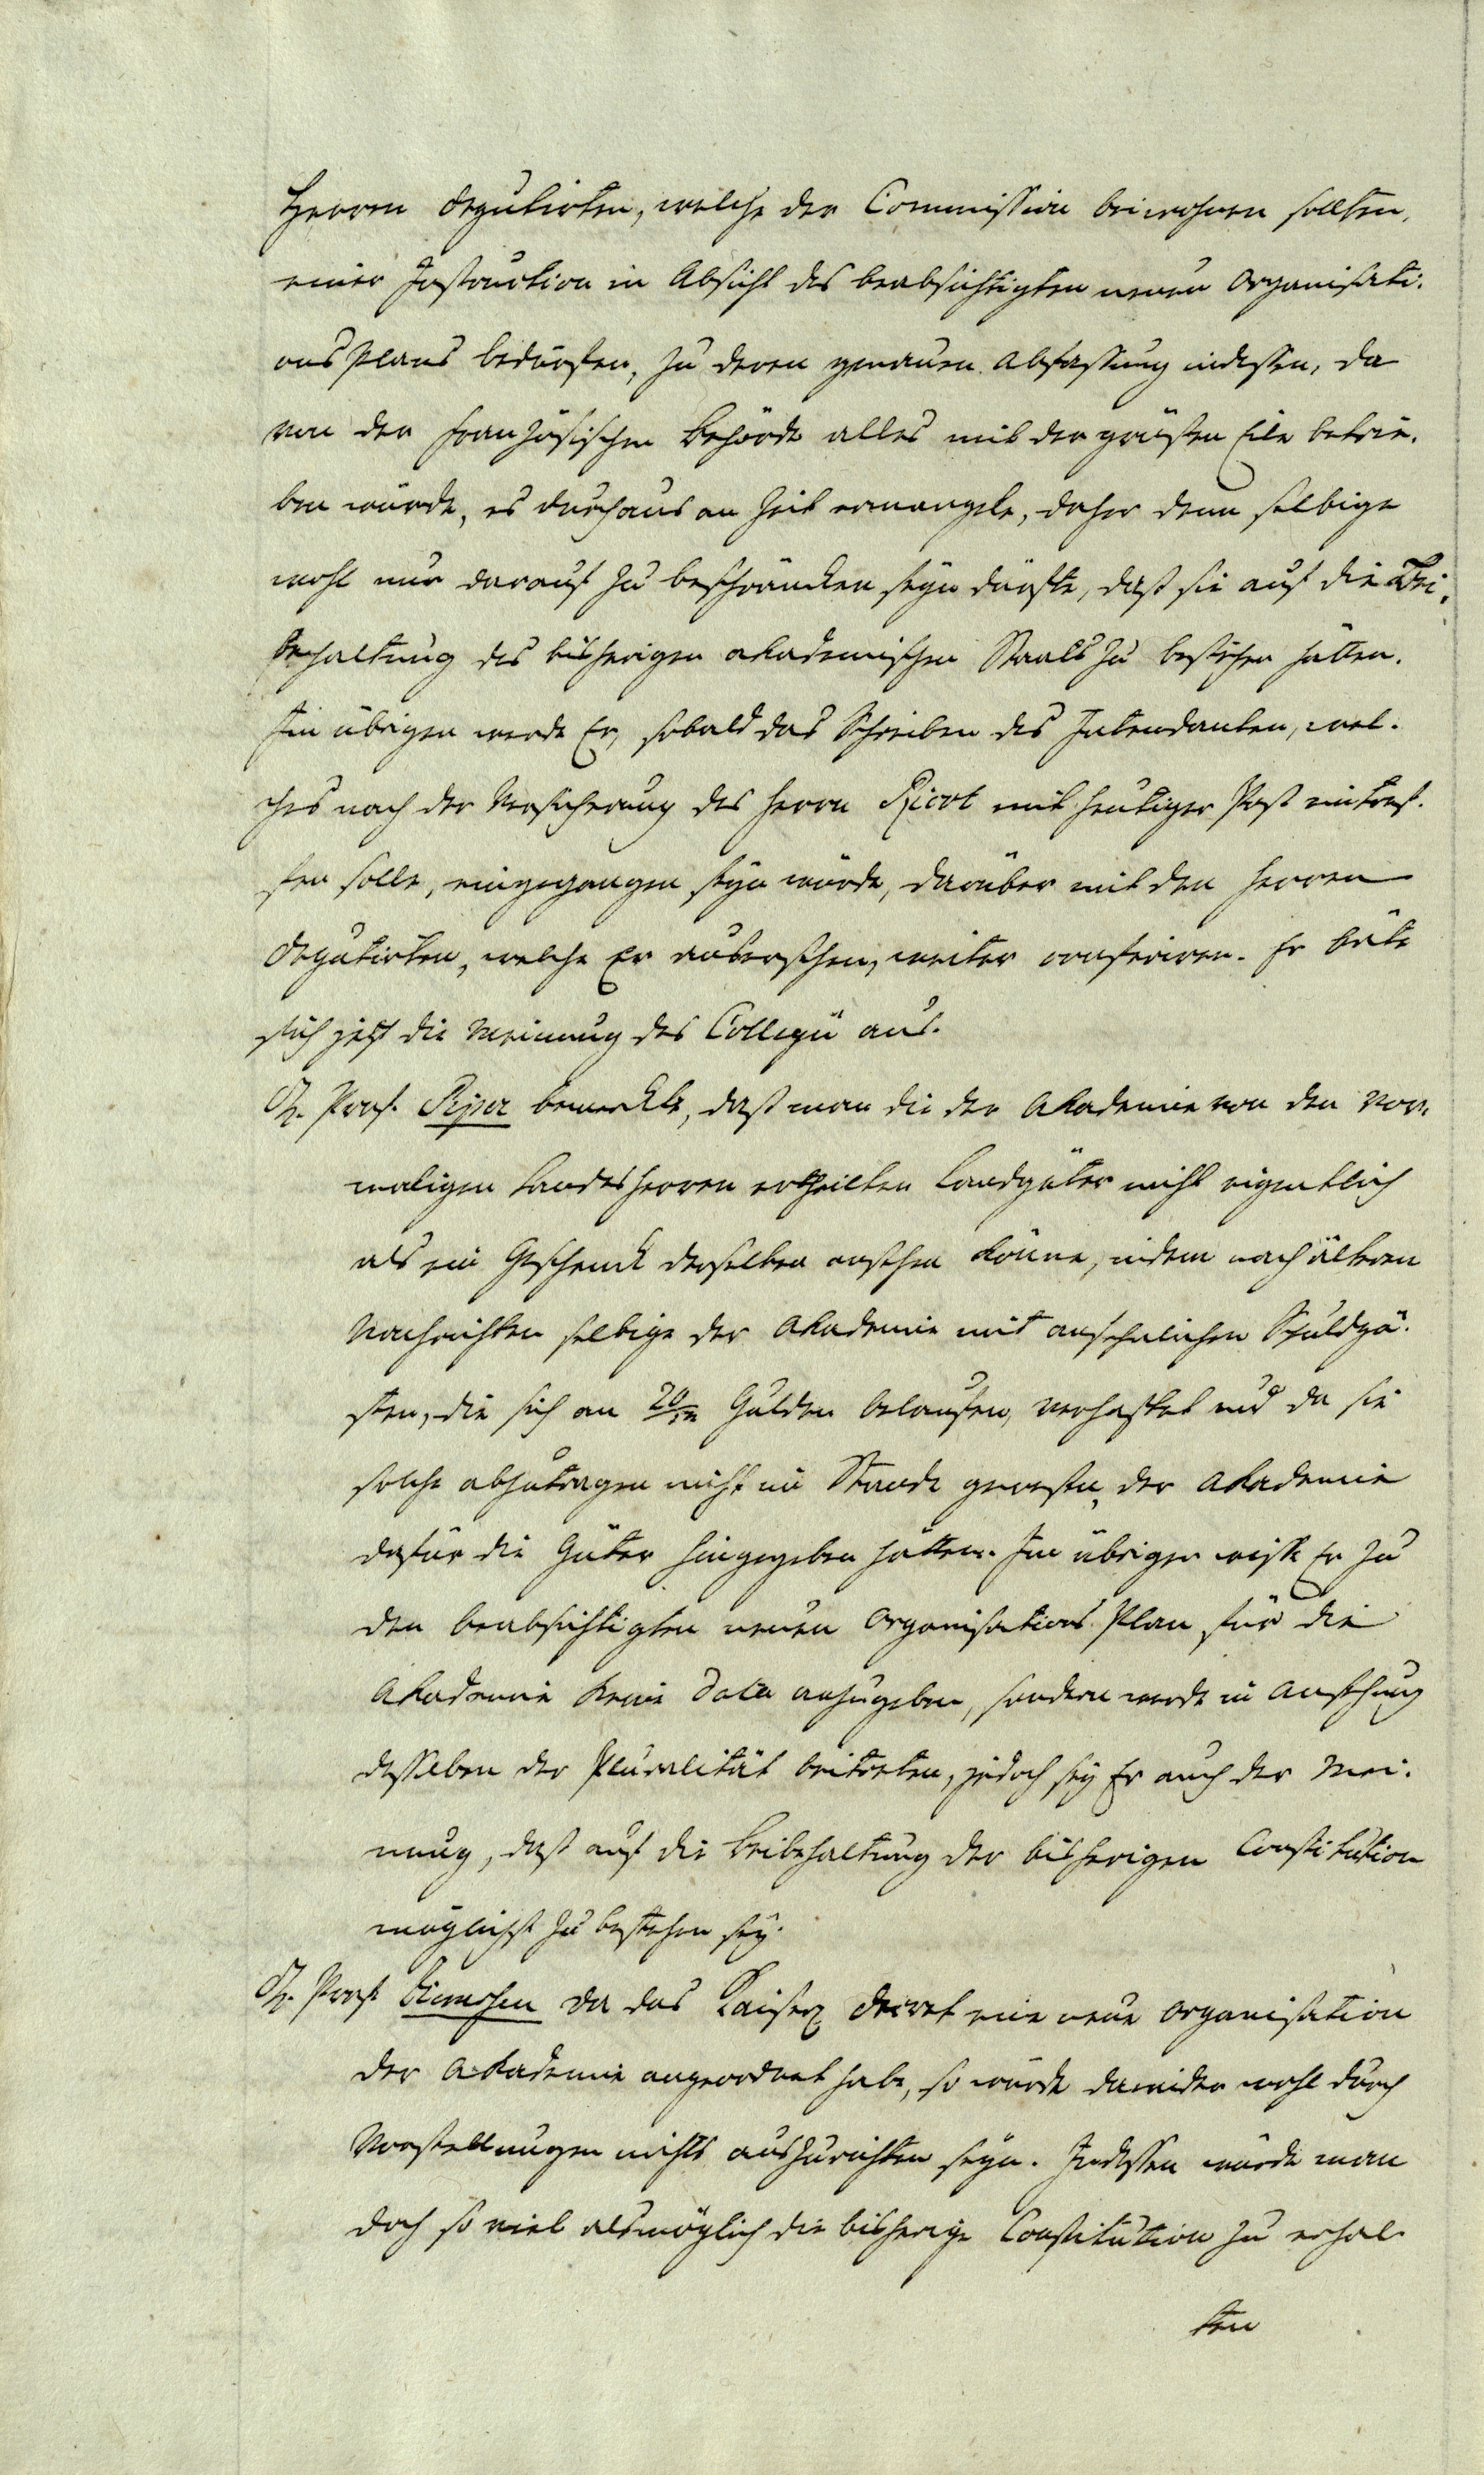Herren Deputirten, welche der Commission beiwohnen sollten,
einer Instruction in Absicht des beabsichtigten neuen Organisati¬
ons Plans bedürfen, zu deren genauen Abfassung indessen, da
von der Französischen Behörde alles mit der grösten Eile betrie¬
ben würde, es durchaus an Zeit ermangele, daher denn selbige
wohl nur darauf zu beschränken seÿn dürfte, daß sie auf die Bei¬
behaltung des bisherigen akademischen Staats zu bestehen hätten.
Im übrigen werde Er, sobald das Schreiben des Intendanten, wel¬
ches nach der Versicherung des Herrn Ricot mit heutiger Post eintref¬
fen solle, eingegangen seÿn würde, darüber mit den Herren
Deputirten, welche Er ausersehen, weiter conferiren. Er bäte
sich jetzt die Meinung des Collegii aus.
dh. Prof. Piper bemerkte, daß man die der Akademie von den vor¬
maligen LandesHerren ertheilten Landgüter nicht eigentlich
als ein Geschenk derselben ansehen könne, indem nach älteren
Nachrichten selbige der Akademie mit ansehnlichen Schuldpö¬
sten, die sich an 20/m Gulden belaufen verhaftet und da sie
solche abzutragen nicht im Stande gewesen, der Akademie
dafür die Güter hingegeben hätten Im übrigen wisse Er zu
den beabsichtigten neuen Organisations Plan für die
Akademie keine data anzugeben, sondern werde in Ansehung
desselben der Pluralität beitreten, jedoch seÿ Er auch der Mei¬
nung, daß auf die Beibehaltung der bisherigen Constitution
möglichst zu bestehen seÿ.
dh. Prof. Ziemssen da das Kaiser. Decret eine neue Organisation
der Akademie angeordnet habe, so würde dawider wohl durch
Vorstellungen nichts auszurichten seÿn. Indessen würde man
doch so viel alsmöglich die bisherige Constitution zu erhal¬
ten